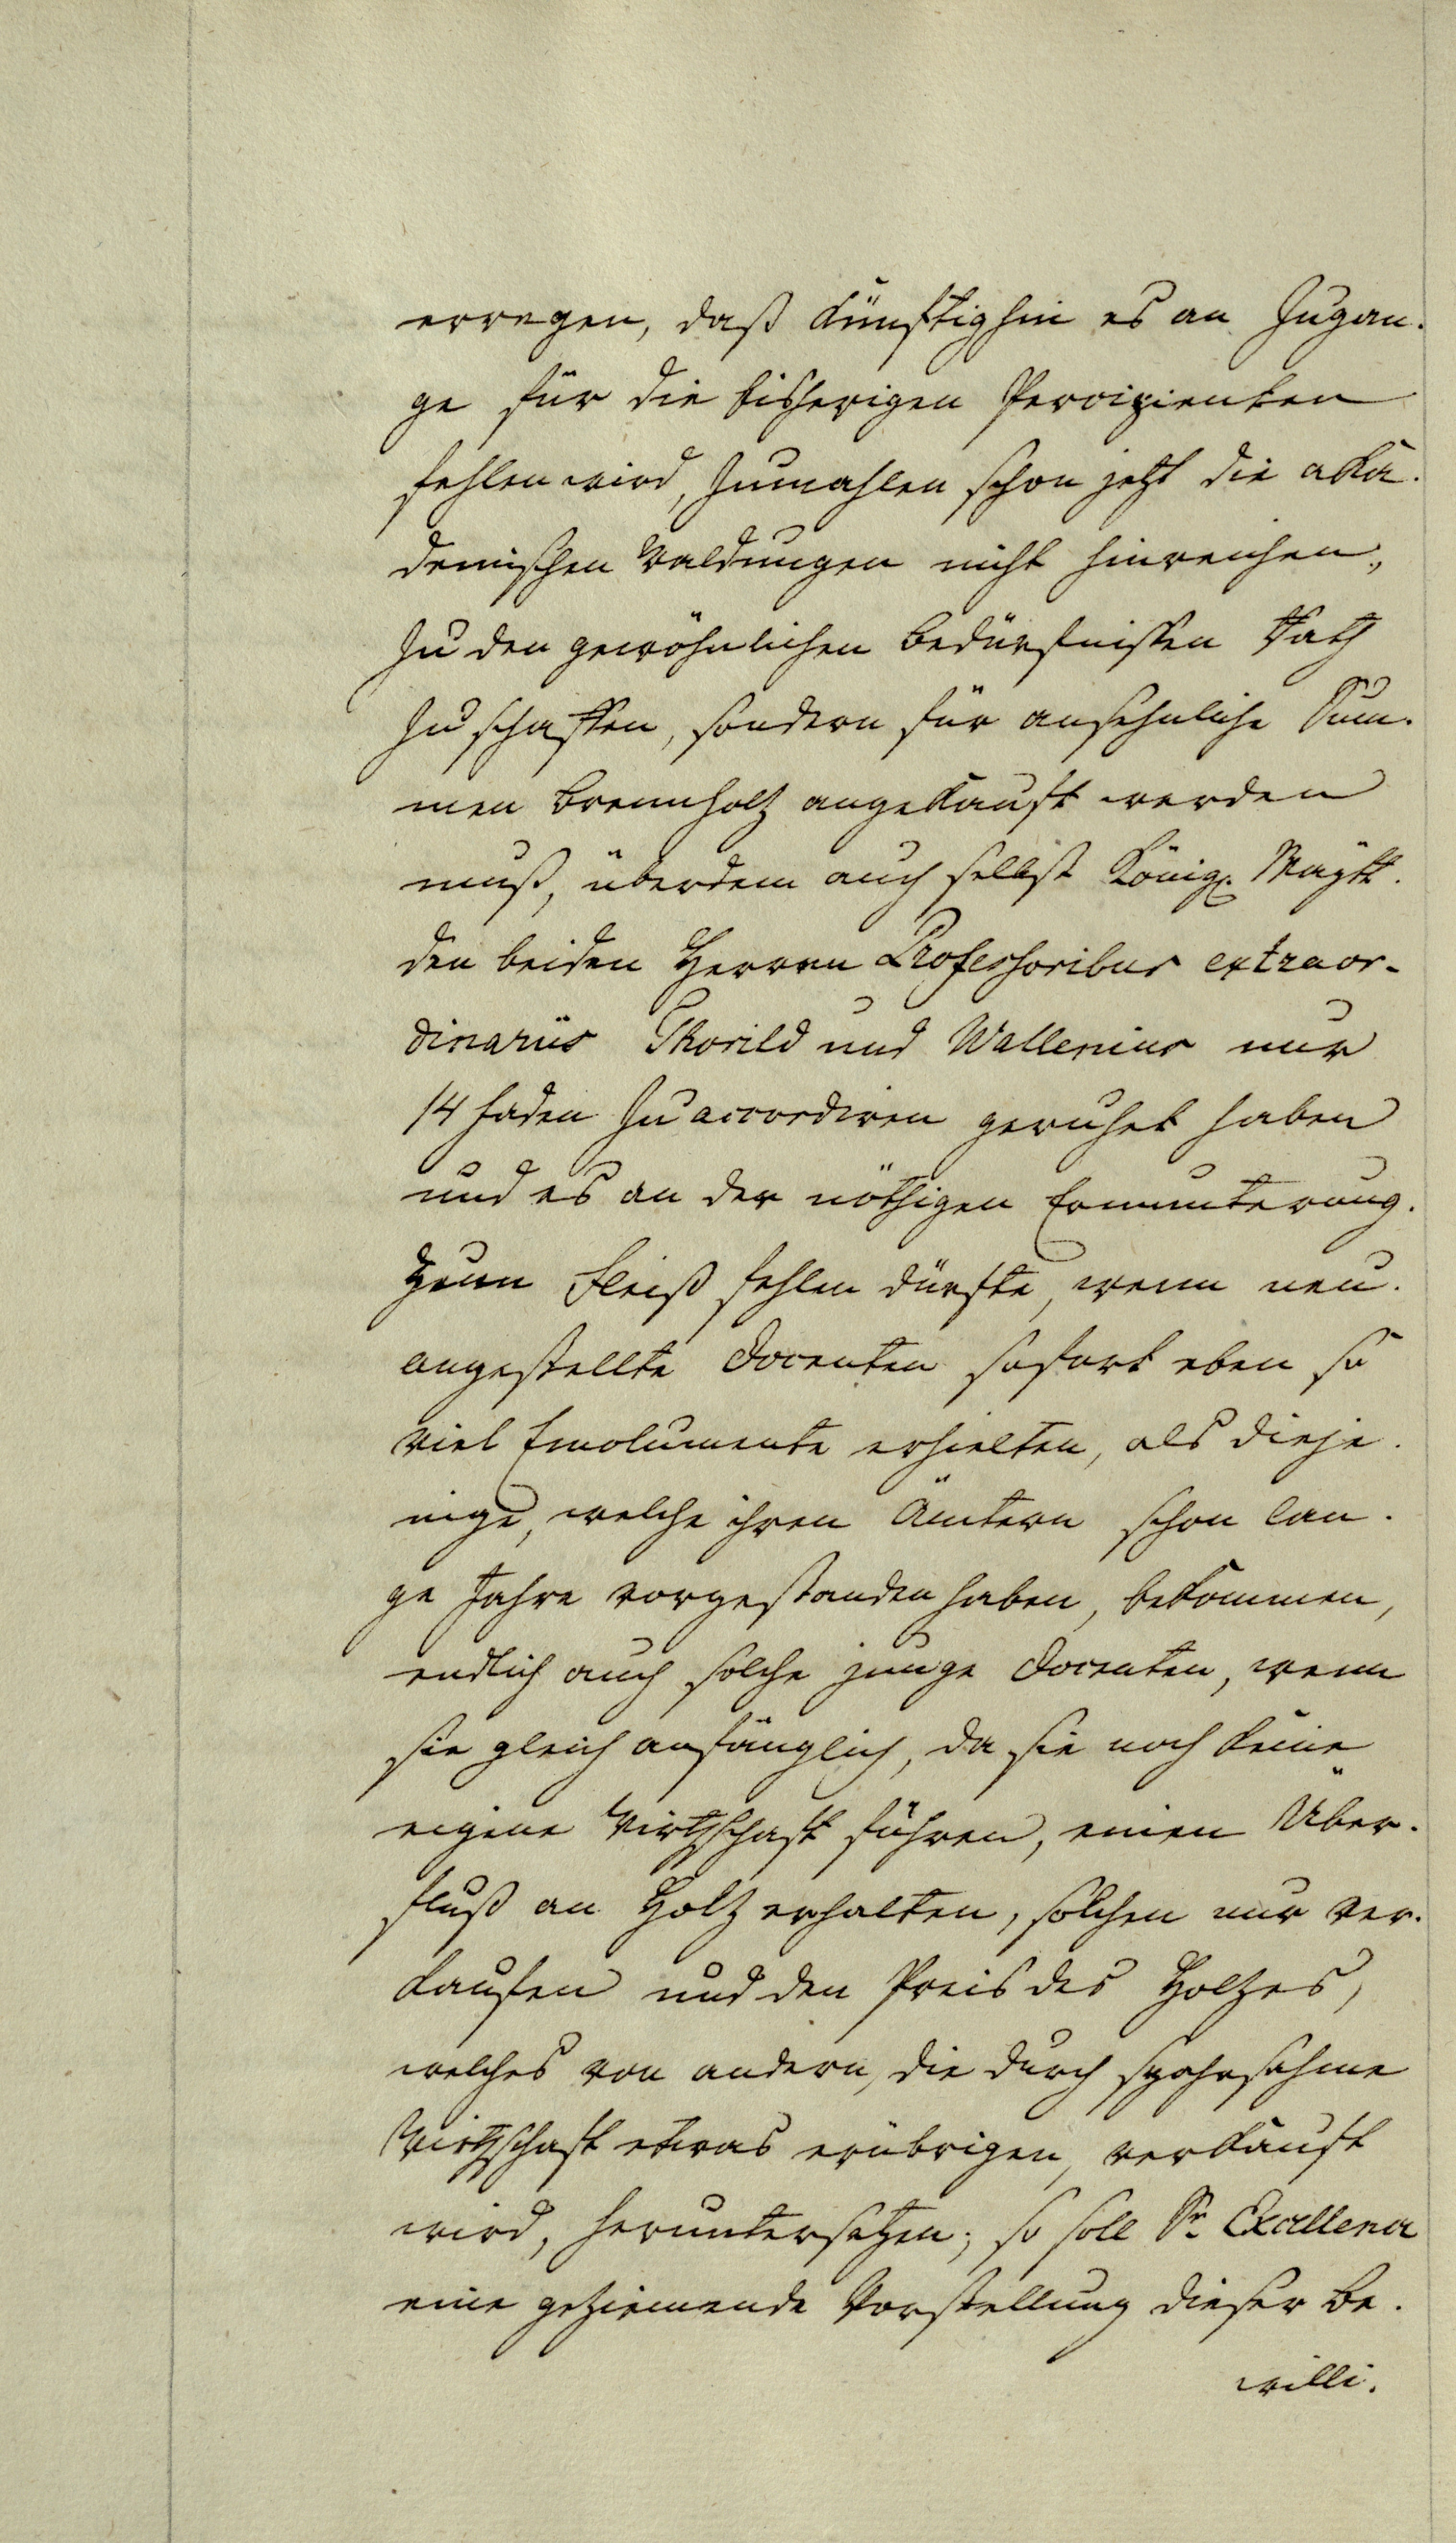erregen, daß künftighin es an Zugan¬
ge für die bisherigen Percipienten
fehlen wird, zumahlen schon jetzt die aka¬
demischen Waldungen nicht hinreichen,
zu den gewöhnlichen Bedürfnissen Rath
zu schaffen, sondern für ansehnliche Sum¬
men Brennholz angekauft werden
muß, überdem auch selbst Königl. Maÿtt.
den beiden Herrenn Professoribus extraor¬
dinariis Thorild und Wallenius nur
14 Faden zu accordiren geruhet haben
und es an der nöthigen Ermunterung.
zum Fleiß fehlen dürfte, wenn neu¬
angestellte Docenten sofort eben so
viel Emolumente erhielten, als dieje¬
nige, welche ihren Ämtern schon lan¬
ge Jahre vorgestanden haben, bekommen,
endlich auch solche junge Docenten, wenn
sie gleich anfänglich, da sie noch keine
eigene Wirthschaft führen, einen Über¬
fluß an Holz erhalten, solchen nur ver¬
kaufen und den Preis des Holzes,
welches von andern, die doch spahrsahme
Wirthschaft etwas erübrigen verkauft
wird, heruntersetzen; so soll Sr Excellence
eine geziemende Vorstellung dieser Be¬
willi